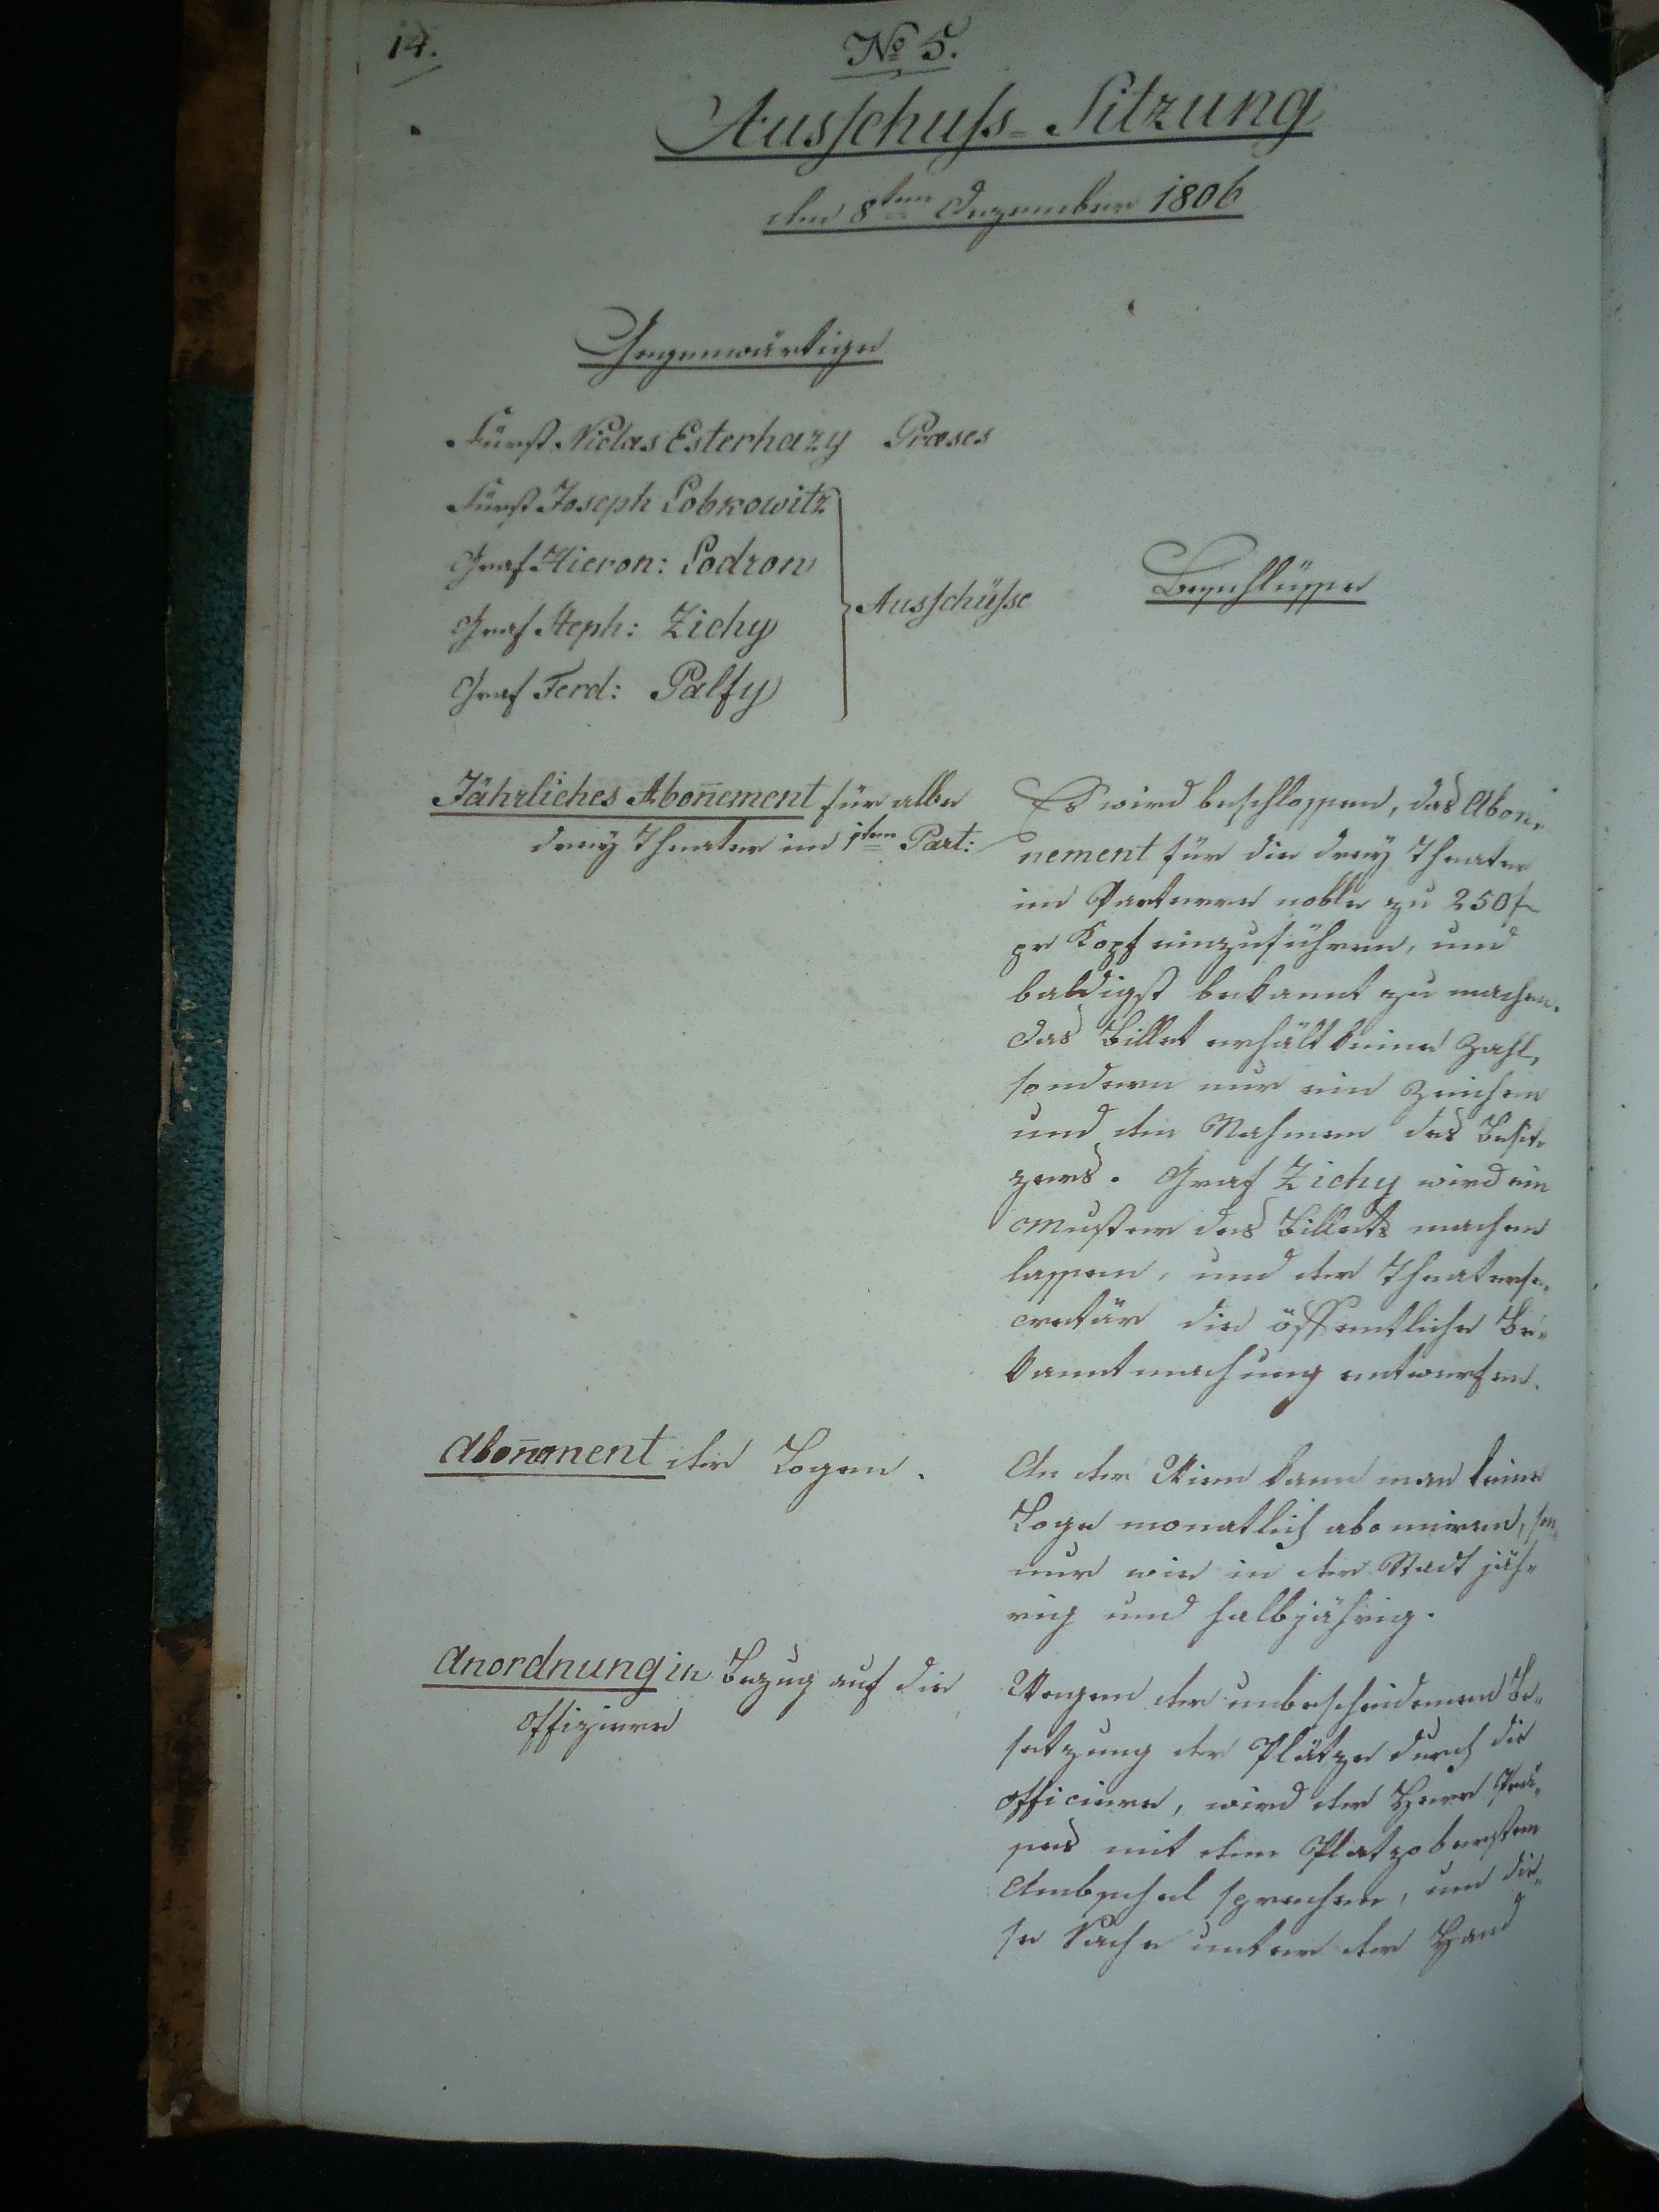14.
No͇ 5.
Ausschuss‗Sitzung
den 8te͇n Dezember 1806
Gegenwärtige
Fürst Niclas Esterhazy Præses
Fürst Joseph Lobkowitz
Graf Hieron: Lodron
Graf Steph: Zichy
Graf Ferd: Palfy
Ausschüsse
Beschlüsse
Jährliches Abon̅ement für alle
drey Theater im 1te͇n Part:
Es wird beschlossen, das Abon¬
nement für die drey Theater
im Parterre noble zu 250fn
pr Kopf einzuführen, und
baldigst bekannt zu machen.
Das Billet erhält keine Zahl,
sondern nur ein Zeichen
und den Nahmen des Besit¬
zers. Graf Zichy wird ein
Muster des Billets machen
lassen, und der Theaterse¬
cretär die öffentliche Be¬
kanntmachung entwerfen.
Abon̅ement der Logen . An der Wien kann man keine
Loge monatlich abonniren, sie
nur wie in der Stadt jäh¬
rig und halbjährig.
Anordnung in Bezug auf die
Offiziere
Wegen der unbeschiedenen Be¬
setzung der Plätze durch die
Offiziere, wird der Herr Prä¬
ses mit dem Platzobersten
Ambschel sprechen, und die¬
se Sache unter der Hand